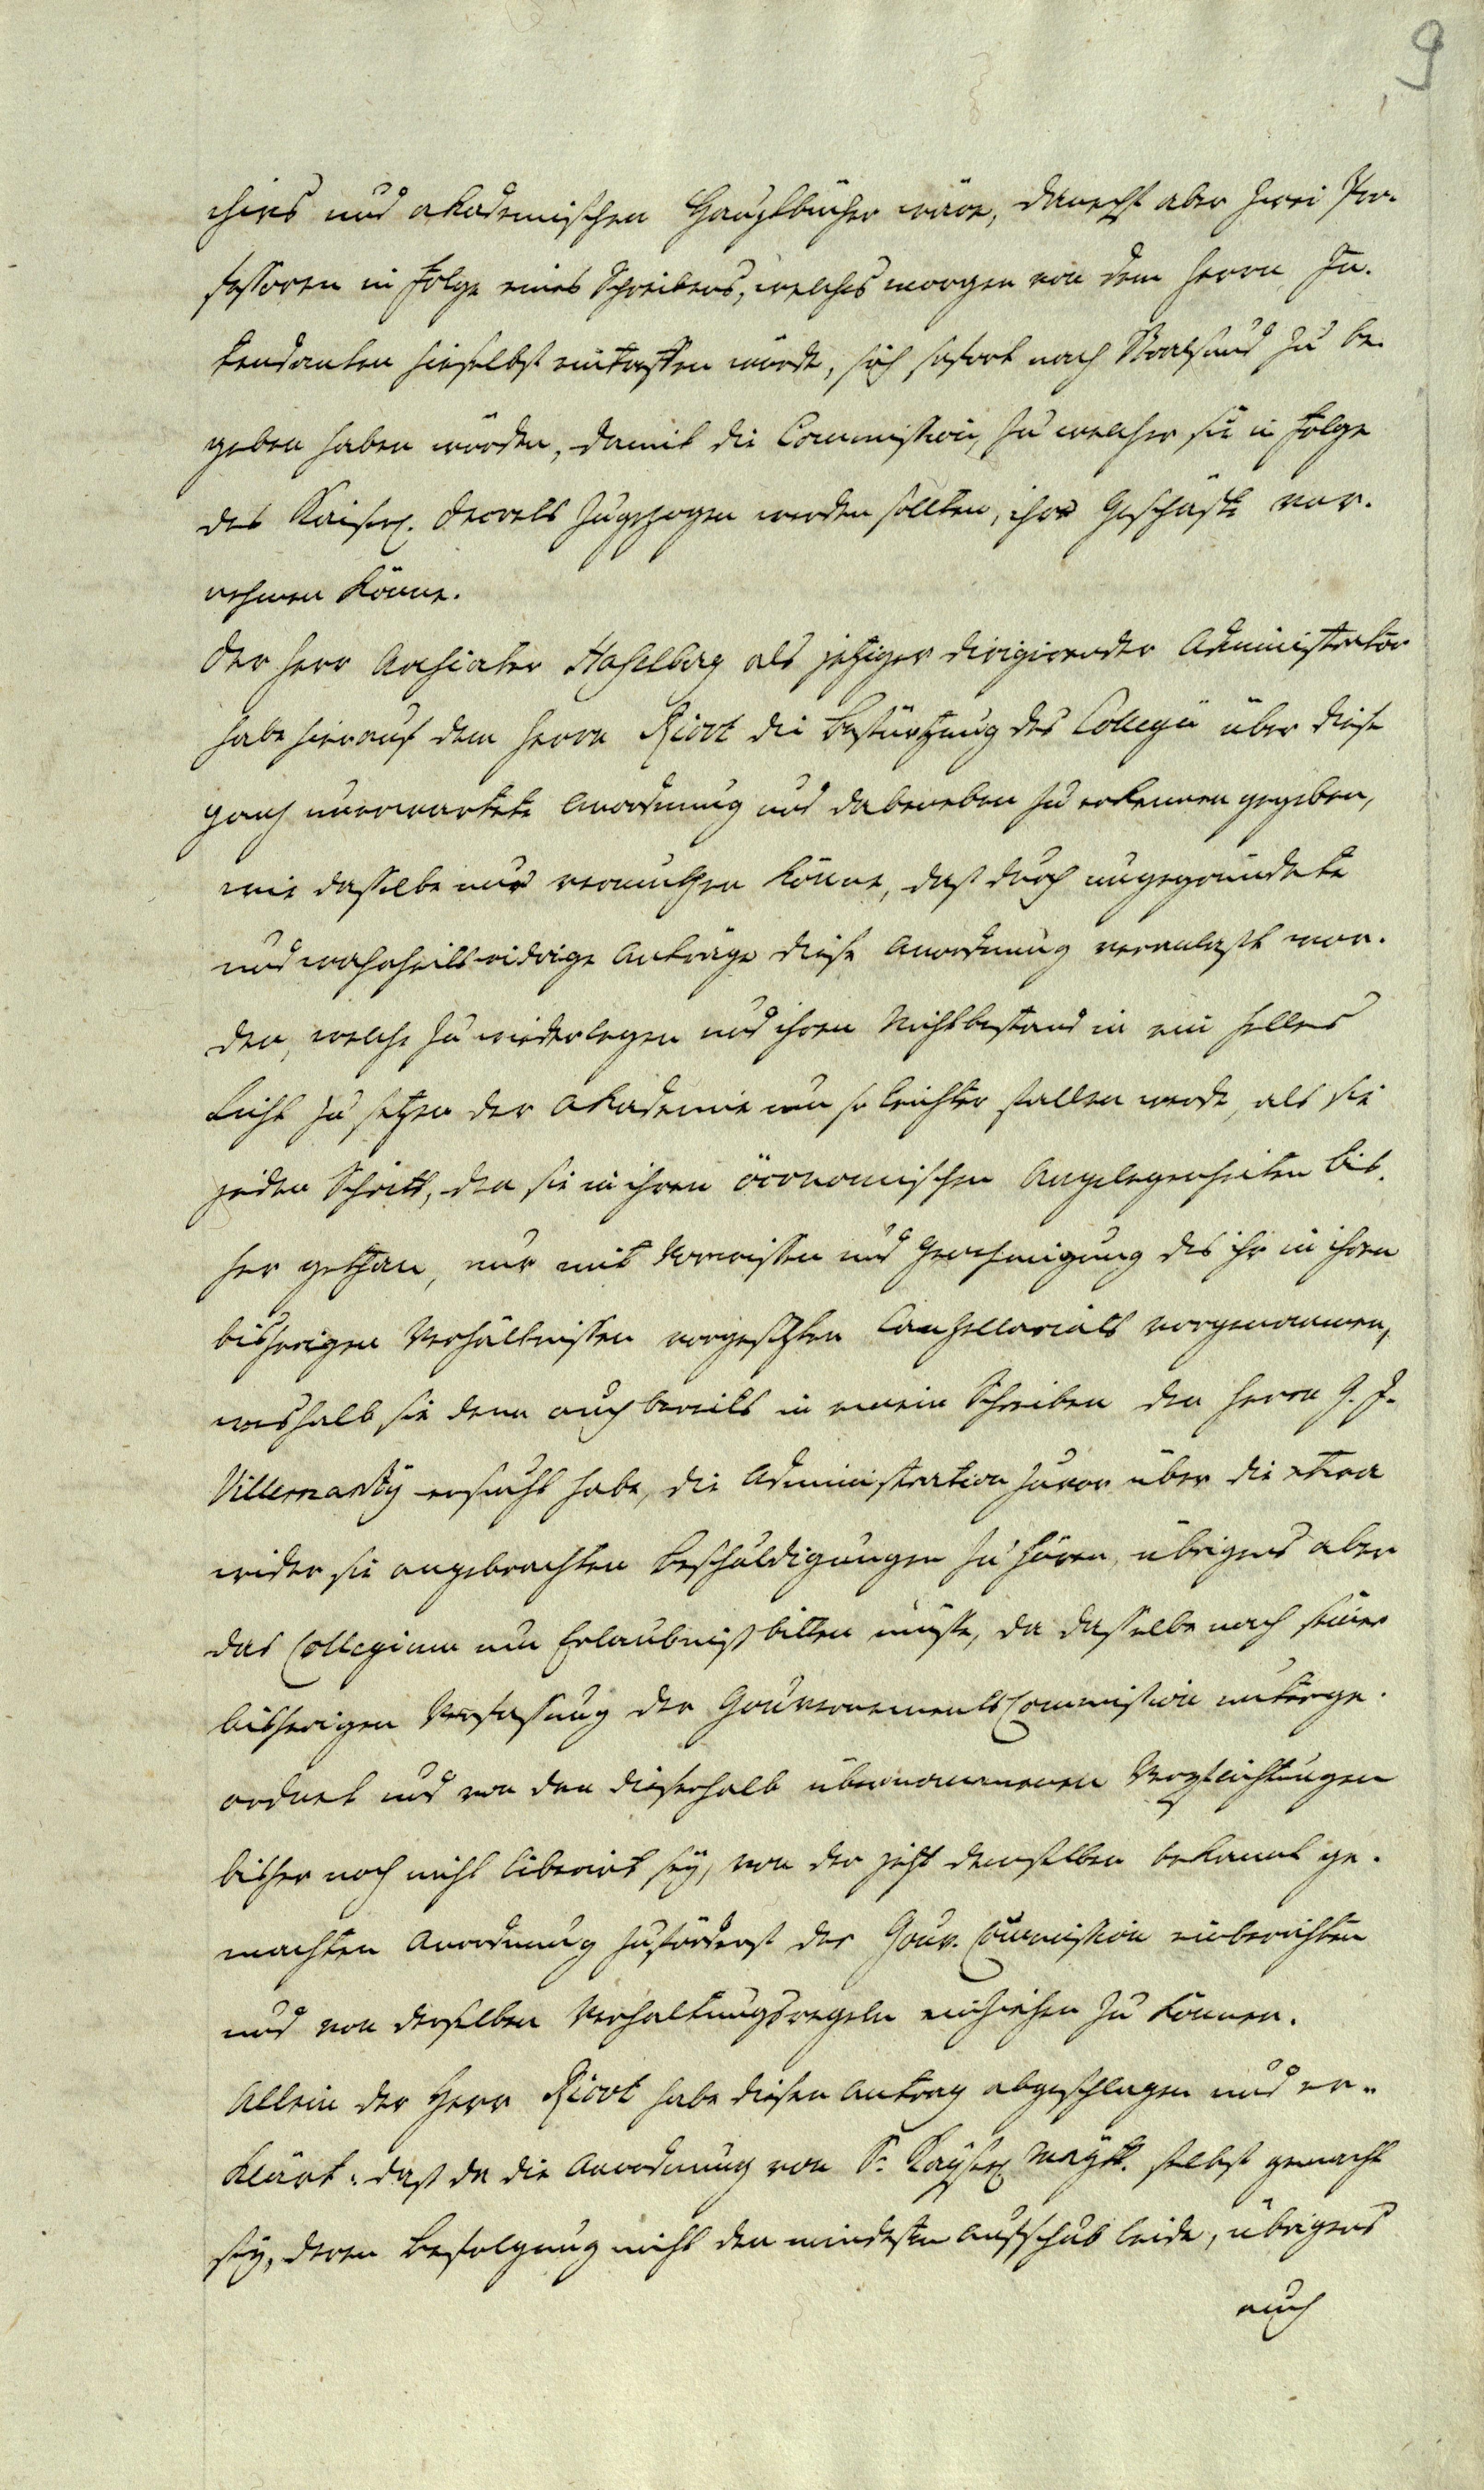chivs und akademischen Hauptbücher wäre, danechst aber zwei Pro¬
fessoren in Folge eines Schreibens, welches morgen von dem Herrn In¬
tendanten hieselbst eintreffen würde, sich sofort nach Stralsund zu be¬
geben haben würden, damit die Commission, zu welcher sie in Folge
des Kaiser. Decrets zugezogen werden sollten, ihre Geschäfte vor¬
nehmen könne.
Der Herr Archiater Haselberg als jetziger dirigirender Administrator
habe hierauf dem Herrn Ricot die Bestürtzung des Collegii über diese
ganz unerwartete Anordnung und dabeneben zu erkennen gegeben,
wie dasselbe nur vermuthen könne, daß durch ungegründete
und wahrheitswidrige Anträge diese Anordnung veranlaßt wor¬
den, welche zu wiederlegen und ihren Nichtbestand in ein helles
Licht zu setzen der Akademie um so leichter fallen werde, als sie
jeden Schritt, den sie in ihren öconomischen Angelegenheiten bis¬
her gethan, nur mit Vorwissen und Genehmigung des ihr in ihren
bisherigen Verhältnissen vorgesetzten Canzellariats vorgenommen,
weshalb sie denn auch bereits in einem Schreiben den Herrn G.J.
Villemantÿ ersucht habe, die Administration zuvor über die etwa
wider sie angebrachten Beschuldigungen zu hören, übrigens aber
das Collegium um Erlaubnis bitten müsse, da dasselbe nach seiner
bisherigen Verfassung der Gouvernements Commission unterge¬
ordnet und von den dieserhalb übernommenen Verpflichtungen
bisher noch nicht liberirt seÿ, von der jetzt demselben bekannt ge¬
machten Anordnung zuförderst der Gouv. Commission einberichten
und von derselben Verhaltungsregeln einziehen zu können.
Allein der Herr Ricot habe diesen Antrag abgeschlagen und er¬
klärt: daß da die Anordnung von S. Kaÿserl. Maÿtt. selbst gemacht
seÿ, deren Befolgung nicht den mindesten Aufschub leide, übrigens
auch